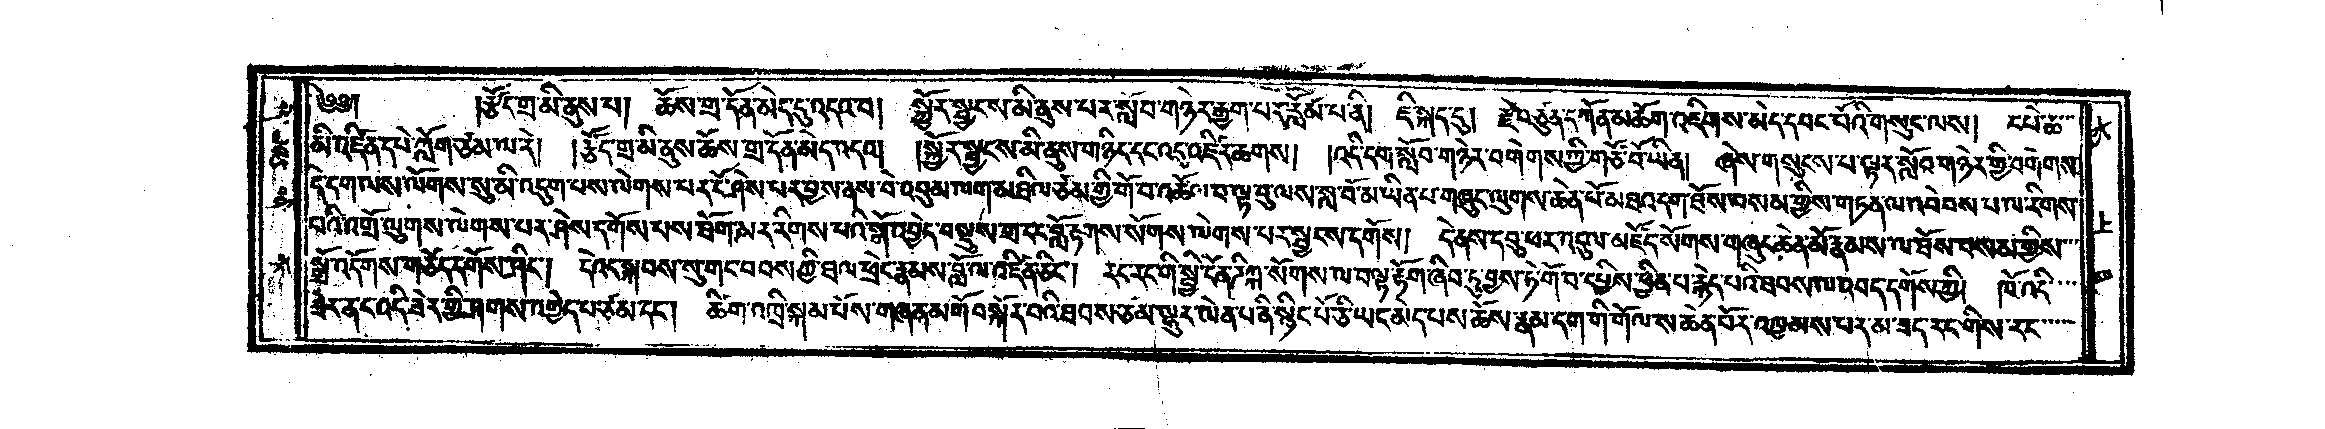༄༅། །རྩོད་གྲ་མི་ནུས་པ། ཆོས་གྲ་དོན་མེད་དུ་འདའ་བ། སྐྱོར་སྦྱངས་མི་ནུས་པར་སློབ་གཉེར་རྒྱག་པར་རློམ་པ་ནི། ཇི་སྐད་དུ། རྗེ་བཙུན་དཀོན་མཆོག་འཇིགས་མེད་དབང་པོའི་གསུང་ལས། དཔེ་ཆ་
མི་འཛིན་དཔེ་གློག་ཙམ་ལ་རེ། །རྩོད་གྲ་མི་ནུས་ཆོས་གྲ་དོན་མེད་འདའ། །སྐྱོར་སྦྱངས་མི་ནུས་གཉིད་དང་འདུ་འཛིར་ཆགས། །འདི་དག་སློབ་གཉེར་བགེགས་ཀྱི་གཙོ་བོ་ཡིན། ཞེས་གསུངས་པ་ལྟར་སློབ་གཉེར་གྱི་བགེགས་
དེ་དག་ལས་ལོགས་སུ་མི་འདུག་པས་ལེགས་པར་ངོ་ཤེས་པར་བྱས་ནས་བེ་འབུམ་ལག་མཐིལ་ཙམ་གྱི་གོ་བ་འཚོལ་བ་ལྟ་བུ་ལས་སླ་བོ་མ་ཡིན་པ་གཞུང་ལུགས་ཆེན་པོ་མཐའ་དག་ཐོས་བསམ་གྱིས་གཏན་ལ་འབེབས་པ་ལ་རིགས་
པའི་འགྲོ་ལུགས་ལེགས་པར་ཤེས་དགོས་པས་ཐོག་མར་རིགས་པའི་སྒོ་འབྱེད་བསྡུས་གྲ་དང་བློ་རྟགས་སོགས་ལེགས་པར་སྦྱངས་དགོས། དེ་ནས་དབུ་ཕར་འདུལ་མཛོད་སོགས་གཞུང་ཆེན་མོ་རྣམས་ལ་ཐོས་བསམ་གྱིས་
སྒྲོ་འདོགས་གཅོད་དགོས་ཤིང་། དེའང་སྐབས་སུ་གང་བབས་ཀྱི་ཐལ་ཕྲེང་རྣམས་བློ་ལ་འཛིན་ཅིང་། རང་རང་གི་སྤྱི་དོན་ཌིཀྐ་སོགས་ལ་བལྟ་རྟོག་ཞིབ་ཏུ་བྱས་ཏེ་གོ་བ་དཔྱིས་ཕྱིན་པ་རྙེད་པའི་ཐབས་ལ་འབད་དགོས་ཀྱི། ཁོ་འདི་
ཟེར་ན་ང་འདི་ཟེར་གྱི་ཤགས་འགྱེད་པ་ཙམ་དང་། ཚིག་འཁྲི་སྐམ་པོས་གཞན་མགོ་བསྐོར་བའི་ཐབས་ཙམ་ལྷུར་ལེན་པ་ནི་སྙིང་པོ་ཅི་ཡང་མེད་པས་ཆོས་རྣམ་དག་གི་གོལ་ས་ཆེན་པོར་འཁྱམས་པར་མ་ཟད་རང་གིས་རང་